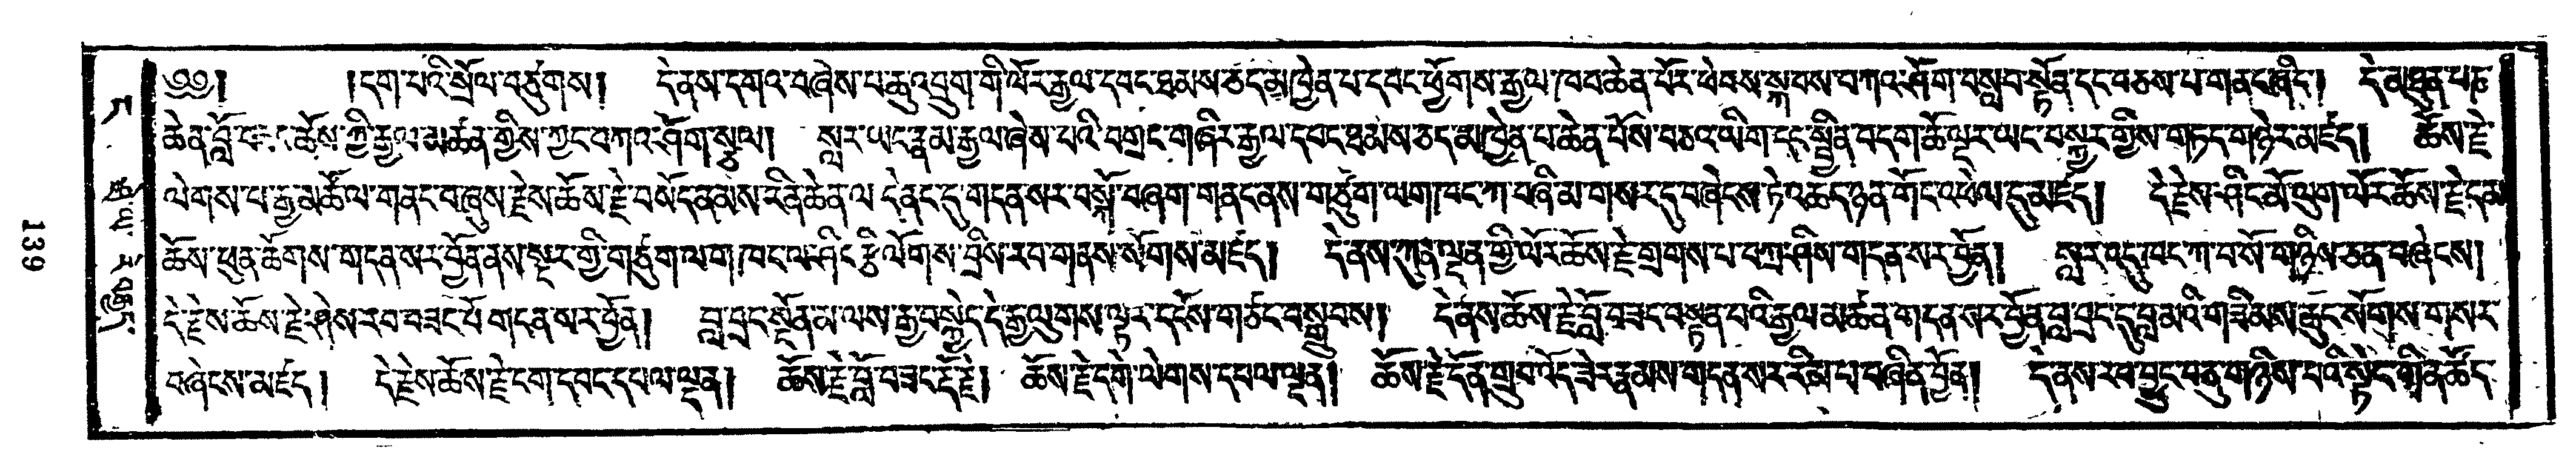༄༅། །དག་པའི་སྲོལ་བཙུགས། དེ་ནས་དགའ་བཞེས་པ་ཆུ་འབྲུག་གི་ལོར་རྒྱལ་དབང་ཐམས་ཅད་མཁྱེན་པ་དབང་ཕྱོགས་རྒྱལ་ཁབ་ཆེན་པོར་ཕེབས་སྐབས་བཀའ་ཤོག་བསླབ་སྟོན་དང་བཅས་པ་གནང་ཞིང་། དེ་མཐུན་པཎ་
ཆེན་བློ་བཟང་ཆོས་ཀྱི་རྒྱལ་མཚན་གྱིས་ཀྱང་བཀའ་ཤོག་སྩལ། སླར་ཡང་རྣམ་རྒྱལ་ཞེས་པའི་བགྲང་གཞིར་རྒྱལ་དབང་ཐམས་ཅད་མཁྱེན་པ་ཆེན་པོས་བཅའ་ཡིག་དང་སྦྱིན་བདག་ཆོ་ལྔར་ཡང་བསྐྱར་གྱིས་གཏད་གཉེར་མཛད། ཆོས་རྗེ་
ལེགས་པ་རྒྱ་མཚོ་ལ་གནང་བ་ཞུས་རྗེས་ཆོས་རྗེ་བསོད་ནམས་རིན་ཆེན་ལ་དེ་ནང་དུ་གདན་སར་བསྐོ་བཞག་གནང་ནས་གཙུག་ལག་ཁང་ཀ་བཞི་མ་གསར་དུ་བཞེངས་ཏེ་འཆད་ཉན་གོང་འཕེལ་དུ་མཛད། དེ་རྗེས་ཤིང་མོ་ལུག་ལོར་ཆོས་རྗེ་དམ་
ཆོས་ཕུན་ཚོགས་གདན་སར་བྱོན་ནས་སྔར་གྱི་གཙུག་ལག་ཁང་ལ་ཤིང་རྩི་ལོགས་བྲིས་རབ་གནས་སོགས་མཛད། དེ་ནས་ཀུན་ལྡན་གྱི་ལོར་ཆོས་རྗེ་གྲགས་པ་བཀྲ་ཤིས་གདན་སར་བྱོན། སླར་འདུ་ཁང་ཀ་པ་སོ་གཉིས་ཅན་བཞེངས།
དེ་རྗེས་ཆོས་རྗེ་ཤེས་རབ་བཟང་པོ་གདན་སར་བྱོན། བླ་བྲང་སྔོན་མ་ལས་རྒྱ་བསྐྱེད་དེ་རྒྱ་ལུགས་ལྟར་དངོས་གཙང་བསྒྲུབས། དེ་ནས་ཆོས་རྗེ་བློ་བཟང་བསྟན་པའི་རྒྱལ་མཚན་གདན་སར་བྱོན་བླ་བྲང་དུ་བླ་མའི་གཟིམས་ཆུང་སོགས་གསར་
བཞེངས་མཛད། དེ་རྗེས་ཆོས་རྗེ་ངག་དབང་དཔལ་ལྡན། ཆོས་རྗེ་བློ་བཟང་རྡོ་རྗེ། ཆོས་རྗེ་དགེ་ལེགས་དཔལ་ལྡན། ཆོས་རྗེ་དོན་གྲུབ་འོད་ཟེར་རྣམས་གདན་སར་རིམ་པ་བཞིན་བྱོན། དེ་ནས་རབ་བྱུང་བཅ་ནུ་གཉིས་པའི་སྟེང་གི་ན་ཚོད་